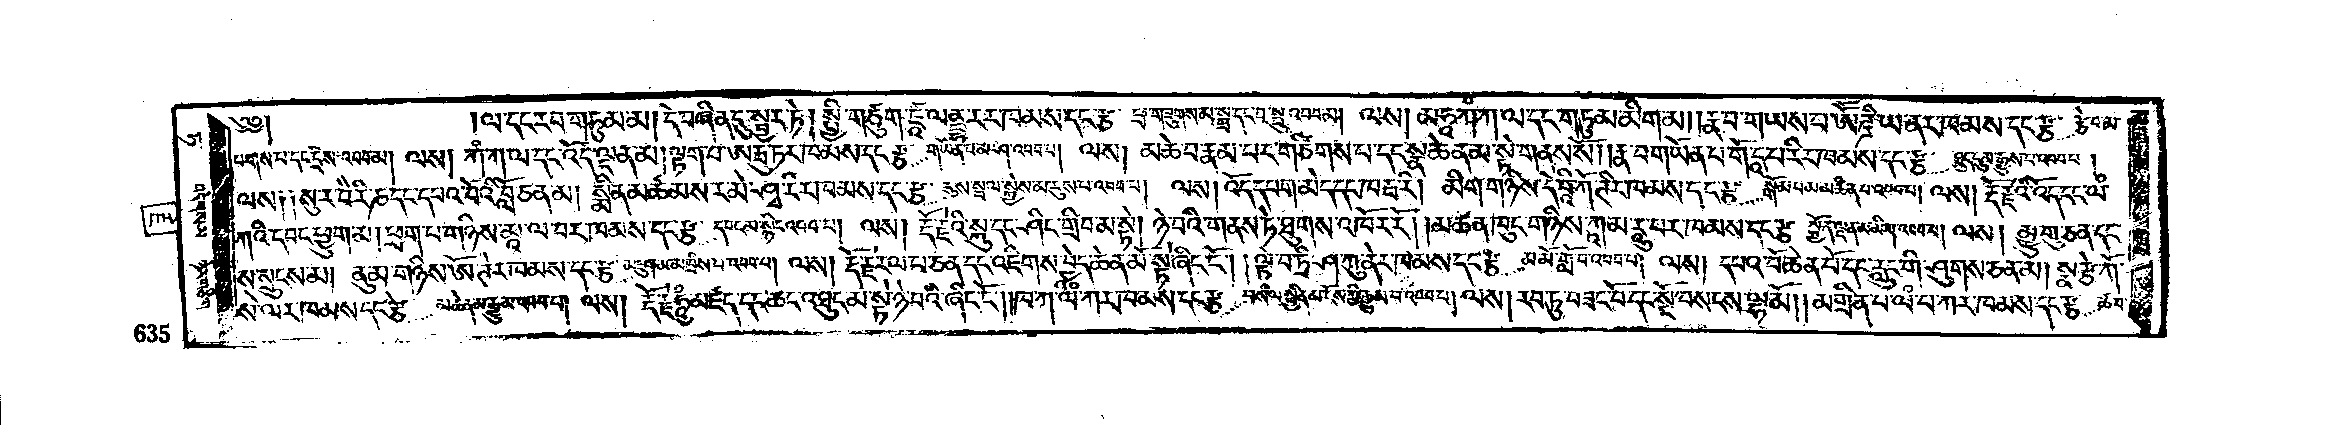༄༅། །ལ་དང་རབ་གཏུམ་མ། དེ་བཞིན་དུ་སྦྱར་ཏེ། སྤྱི་གཙུག་ཛཱ་ལནྡྷ་རར་ཁམས་དང་རྩ་ཕྲ་གཟུགས་མ་སྐྲ་དང་བ་སྤུ་འབབ་མ། ལས། མཧཱ་ཀཾ་ཀ་ལ་དང་གཏུམ་མིག་མ། །རྣ་བ་གཡས་པ་ཨཽ་ཌྜི་ཡ་ནར་ཁམས་དང་རྩ་རྩེབ་མ་
པགས་པ་དང་དྲིས་འབབ་མ། ལས། ཀཾ་ཀ་ལ་དང་འོད་ལྡན་མ། ལྟག་པ་ཨརྦུ་ཏར་ཁམས་དང་རྩ་གཡོན་པ་མ་ཤ་འབབ་པ། ལས། མཆེ་བ་རྣམ་པར་གཙིགས་པ་དང་སྣ་ཆེན་མ་སྟེ་གནས་སོ། །རྣ་བ་གཡོན་པ་གོ་དཱ་པ་རིར་ཁམས་དང་རྩ་ཐུང་དུམ་རྒྱུས་པ་འབབ་པ།
ལས། །སུ་ར་བཻ་རི་ཎ་དང་དཔའ་བོའི་བློ་ཅན་མ། སྨིན་མཚམས་ར་མེ་ཤྭ་རིར་ཁམས་དང་རྩ་རུས་སྦལ་སྐྱེས་མ་རུས་པ་འབབ་པ། ལས་འོད་དཔག་མེད་དང་ཁརྦ་རི། མིག་གཉིས་དེ་བཱི་ཀོ་ཊིར་ཁམས་དང་རྩ་སྒོམ་པ་མ་མཆིན་པ་འབབ་པ། ལས། རྡོ་རྗེའི་འོད་དང་ལཾ་
ཀའི་དབང་ཕྱུག་མ། ཕྲག་པ་གཉིས་མཱ་ལ་བར་ཁམས་དང་རྩ་དབང་མ་སྙིང་འབབ་པ། ལས། རྡོ་རྗེའི་སྐུ་དང་ཤིང་གྲིབ་མ་སྟེ། ཉེ་བའི་གནས་ཏེ་ཐུགས་འཁོར་རོ། །མཚན་ཁུང་གཉིས་ཀཱ་མ་རཱུ་པར་ཁམས་དང་རྩེ་སྦྱོན་ལྡན་མ་མིག་འབབ་པ། ལས། མྱུ་གུ་ཅན་དང་
ས་སྲུངས་མ། ནུ་མ་གཉིས་ཨོ་ཊེར་ཁམས་དང་རྩ་མཇུག་མ་མཁྲཾ་པ་འབབ་པ། ལས། རྡོ་རྗེ་རལ་པ་ཅན་དང་འཇིགས་བྱེད་ཆེན་མོ་སྟེ་ཞིང་ངོ། །ལྟེ་བ་ཏྲི་ཤ་ཀུ་ནེར་ཁམས་དང་རྩ་མ་མོ་གློ་བ་འབབ་པ། ལས། དཔའ་བོ་ཆེན་པོ་དང་རླུང་གི་ཤུགས་ཅན་མ། སྣ་རྩེ་ཀོ་
ས་ལར་ཁམས་དང་རྩ་མཆེན་མ་རྒྱུ་མ་འབབ་པ། ལས། རྡོ་རྗེ་ཧཱུཾ་མཛད་དང་ཆང་འཐུང་མ་སྟེ་ཉེ་བའི་ཞིང་ངོ། །ཁ་ཀ་ལིཾ་ཀར་ཁམས་དང་རྩ་བསིལ་སྦྱིན་མ་ངོས་ཀྱི་རྒྱུས་པ་འབབ་པ། ལས། རབ་ཏུ་བཟང་པོ་དང་སྔོ་བསངས་ལྷ་མོ། །མགྲིན་པ་ལཾ་པ་ཀར་ཁམས་དང་རྩ་ཚབ་